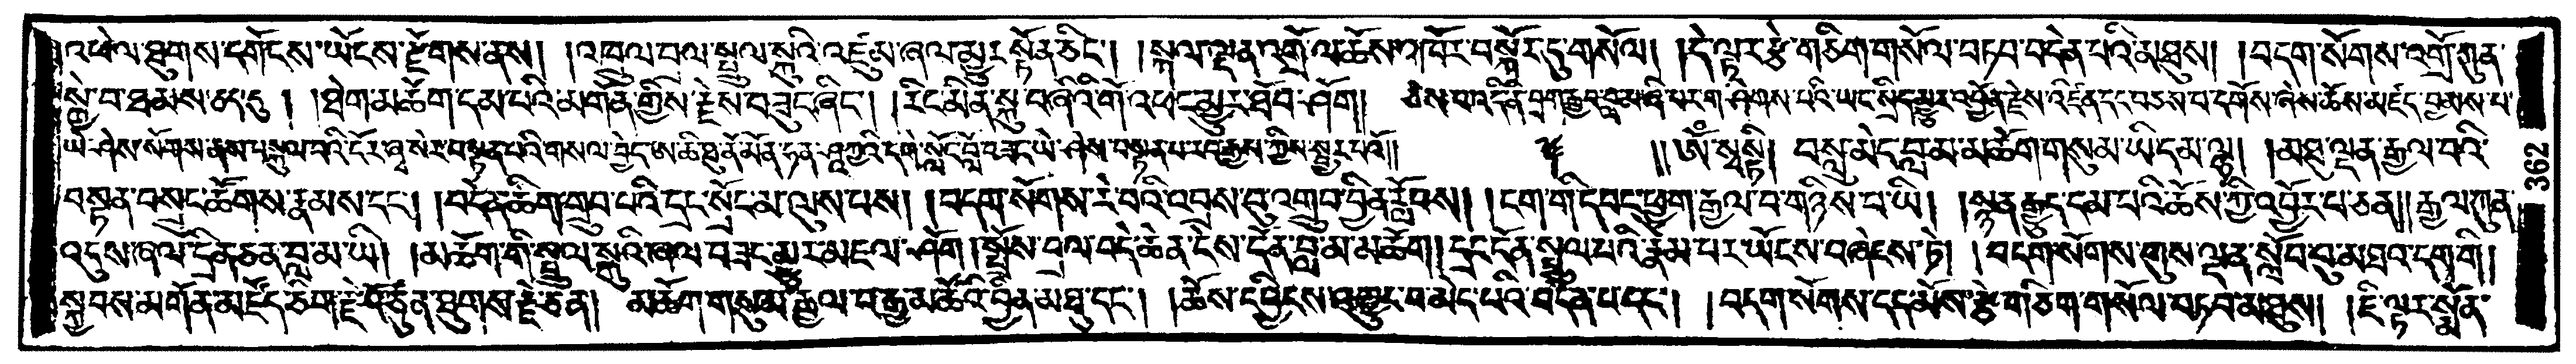འཕེལ་ཐུགས་དགོངས་ཡོངས་རྫོགས་ནས། །འཁྲུལ་བྲལ་སྤྲུལ་སྐུའི་འཛུམ་ཞལ་མྱུར་སྟོན་ཅིང་། །སྐལ་ལྡན་འགྲོ་ལ་ཆོས་འཁོར་བསྐོར་དུ་གསོལ། །དེ་ལྟར་རྩེ་གཅིག་གསོལ་བཏབ་བདེན་པའི་མཐུས། །བདག་སོགས་འགྲོ་ཀུན་
སྐྱེ་བ་ཐམས་ཅད་དུ། །ཐེག་མཆོག་དམ་པའི་མགོན་གྱིས་རྗེས་བཟུང་ཞིང་། །རིང་མིན་སྐུ་བཞིའི་གོ་འཕང་མྱུར་ཐོབ་ཤོག །ཅེས་པ་འདི་ནི་བྲག་རྒྱབ་བླ་མ་ཞི་པར་གཤེགས་པའི་ཡང་སྲིད་མྱུར་འབྱོན་རྗེས་འཛིན་དང་བཅས་པ་དགོས་ཞེས་ཆོས་མཛད་བྱམས་པ་
ཡེ་ཤེས་སོགས་ནས་བསྐུལ་བའི་ངོར་ཞྭ་སེར་བསྟན་པའི་གསལ་བྱེད་ཨ་ཆི་ཐུ་ནོ་མོན་ཧན་ཤཱཀྱའི་དགེ་སློང་བློ་བཟང་ཡེ་ཤེས་བསྟན་པ་རབ་རྒྱས་ཀྱིས་སྦྱར་བའོ།། ༈ །།ཨོཾ་སྭསྟི། བསླུ་མེད་བླ་མ་མཆོག་གསུམ་ཡི་དམ་ལྷ། །མཐུ་ལྡན་རྒྱལ་བའི་
བསྟན་བསྲུང་ཚོགས་རྣམས་དང་། །བདེན་ཚིག་གྲུབ་པའི་དྲང་སྲོང་མ་ལུས་པས། །བདག་སོགས་རེ་བའི་འབྲས་བུ་འགྲུབ་བྱིན་རློབས། །ངག་གི་དབང་ཕྱུག་རྒྱལ་བ་གཉིས་པ་ཡི། །སྙན་རྒྱུད་དམ་པའི་ཆོས་ཀྱི་འབྱོར་པ་ཅན། །རྒྱལ་ཀུན་
འདུས་ཞལ་དྲིན་ཅན་བླ་མ་ཡི། །མཆོག་གི་སྤྲུལ་སྐུའི་ཞལ་བཟང་མྱུར་མཇལ་ཤོག །སྤྲོས་བྲལ་བདེ་ཆེན་ངེས་དོན་བླ་མ་མཆོག །དྲང་དོན་སྤྲུལ་པའི་རྣམ་པར་ཡོངས་བཞེངས་ཏེ། །བདག་སོགས་གུས་ལྡན་སློབ་བུ་མཐའ་དག་གི །
སྐྱབས་མགོན་མཛོད་ཅིག་རྗེ་བཙུན་ཐུགས་རྗེ་ཅན། །མཆོག་གསུམ་རྒྱལ་བ་རྒྱ་མཚོའི་བྱིན་མཐུ་དང་། །ཆོས་དབྱིངས་འགྱུར་བ་མེད་པའི་བདེན་པ་དང་། །བདག་སོགས་དད་མོས་རྩེ་གཅིག་གསོལ་བཏབ་མཐུས། །ཇི་ལྟར་སྨོན་